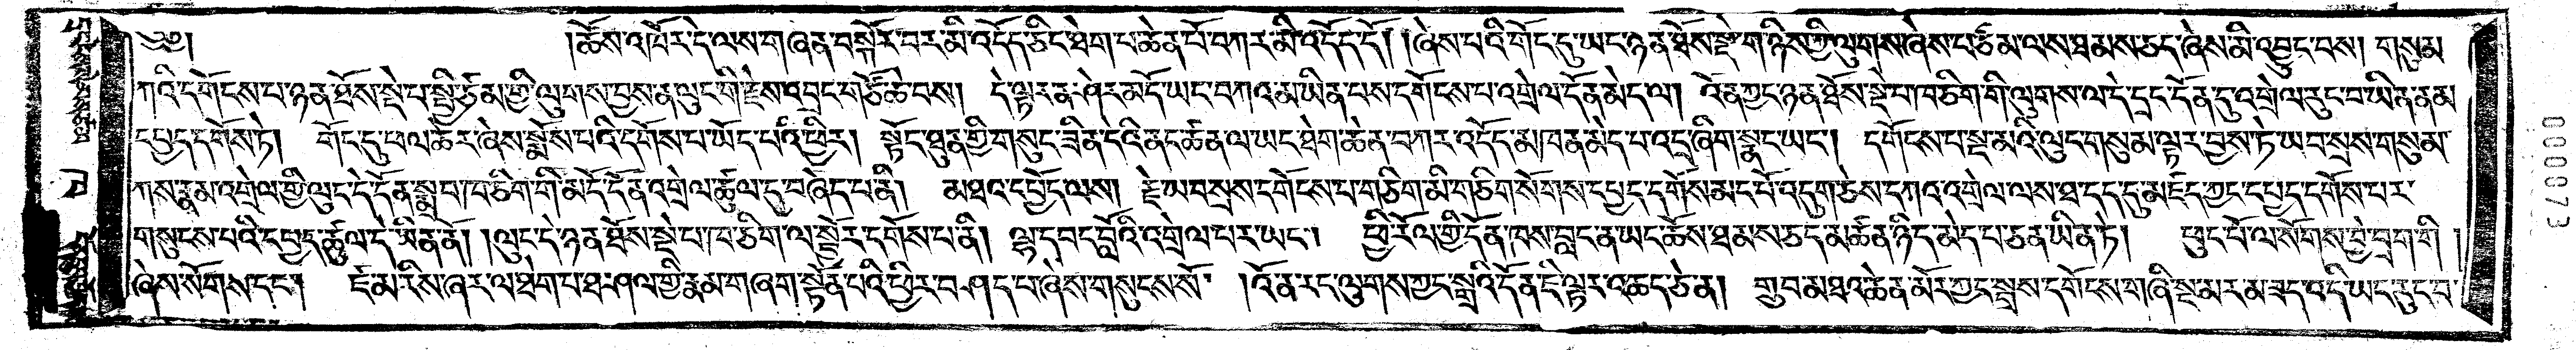༄༅། །ཆོས་འཁོར་དེ་ལས་གཞན་བསྐོར་བར་མི་འདོད་ཅིང་ཐེག་པ་ཆེན་པོ་བཀར་མི་འདོད་དོ། །ཞེས་པའི་གོང་དུ་ཡང་ཉན་ཐོས་སྡེ་གཉིས་ཀྱི་ལུགས་ཞེས་པ་ཙམ་ལས་ཐམས་ཅད་ཞེས་མི་འབྱུང་བས། གསུམ་
གའི་དགོངས་པ་ཉན་ཐོས་སྡེ་པ་སྤྱི་ཙམ་གྱི་ལུགས་བྱས་ན་ལུང་གི་རྗེས་འབྲང་གཙོ་ཆེ་བས། དེ་ལྟར་ན་ཤེར་མདོ་ཡང་བཀའ་མ་ཡིན་པས་དགོངས་པ་འགྲེལ་དོན་མེད་ལ། འོན་ཀྱང་ཉན་ཐོས་སྡེ་པ་ཁ་ཅིག་གི་ལུགས་ལ་དེ་དྲང་དོན་དུ་འགྲེལ་རུང་བ་ཡིན་ནམ་
དཔྱད་དགོས་ཏེ། གོང་དུ་ཕལ་ཆེར་ཞེས་སྨོས་པའི་དགོས་པ་ཡོད་པའི་ཕྱིར། སྟོང་ཐུན་གྱི་གསུང་ཟིན་དེའི་ནང་ཚན་ལ་ཡང་ཐེག་ཆེན་བཀར་འདོད་མཁན་མེད་པ་འདྲ་ཞིག་སྣང་ཡང་། དགོངས་པ་སྔ་མའི་ལུང་གསུམ་ལྟར་བྱས་ཏེ་ཡབ་སྲས་གསུམ་
ཀས་རྣམ་འགྲེལ་གྱི་ལུང་དེ་དོན་སྨྲ་བ་ཁ་ཅིག་གི་མདོ་དོན་འགྲེལ་ཚུལ་དུ་བཞེད་པ་ནི། མཐའ་དཔྱོད་ལས། རྗེ་ཡབ་སྲས་དགོངས་པ་གཅིག་མི་གཅིག་སོགས་དཔྱད་དགོས་མང་པོ་འདུག་ཅེས་དཀའ་འགྲེལ་ལས་ཐ་དད་དུ་མཛད་ཀྱང་དཔྱད་དགོས་པར་
གསུངས་པའི་དཔྱད་ཚུལ་དེ་ཡིན་ནོ། །ལུང་དེ་ཉན་ཐོས་སྡེ་པ་ཁ་ཅིག་ལ་སྦྱོར་དགོས་པ་ནི། ལྷ་དབང་བློའི་འགྲེལ་པར་ཡང་། ཕྱི་རོལ་གྱི་དོན་ཁས་བླང་ན་ཡང་ཆོས་ཐམས་ཅད་མཚན་ཉིད་མེད་པ་ཅན་ཡིན་ཏེ། ཕུང་པོ་ལ་སོགས་བྱེ་བྲག་གི།
ཞེས་སོགས་དང་། ཛ་མ་རིས་ཞར་ལ་ཐེག་པ་ཐ་ཤལ་གྱི་རྣམ་གཞག་སྟོན་པའི་ཕྱིར་བཤད་པ་ཞེས་གསུངས་སོ། །འོ་ན་རང་ལུགས་ཀྱང་སྒྲའི་དོན་ཇི་ལྟར་འཆད་ཅེ་ན། གྲུབ་མཐའ་ཆེན་མོར་ཀྱང་སྒྲས་དགོངས་གཞི་སྔ་མར་མ་ཟད་འདི་ཡང་རུང་བ་